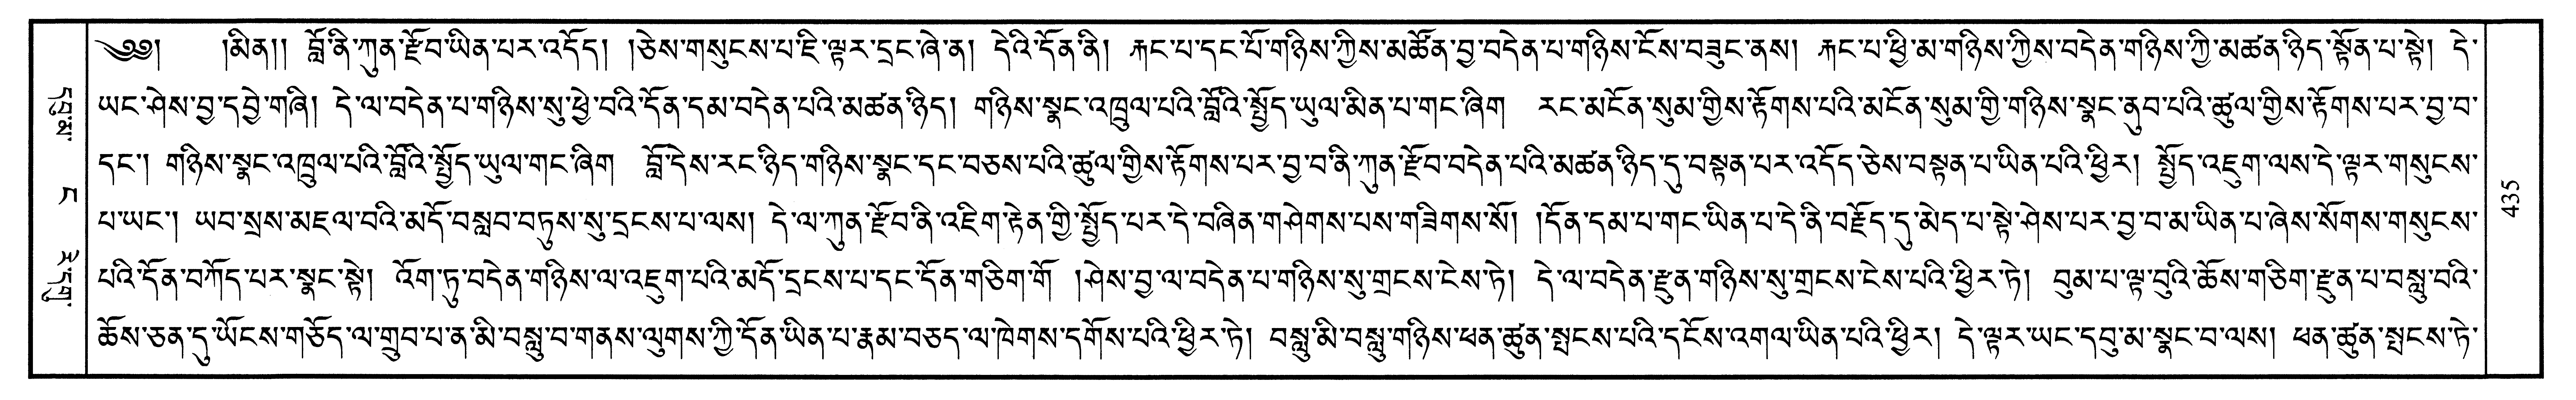༄༅། །མིན།། བློ་ནི་ཀུན་རྫོབ་ཡིན་པར་འདོད། །ཅེས་གསུངས་པ་ཇི་ལྟར་དྲང་ཞེ་ན། དེའི་དོན་ནི། རྐང་པ་དང་པོ་གཉིས་ཀྱིས་མཚོན་བྱ་བདེན་པ་གཉིས་ངོས་བཟུང་ནས། རྐང་པ་ཕྱི་མ་གཉིས་ཀྱིས་བདེན་གཉིས་ཀྱི་མཚན་ཉིད་སྟོན་པ་སྟེ། དེ་
ཡང་ཤེས་བྱ་དབྱེ་གཞི། དེ་ལ་བདེན་པ་གཉིས་སུ་ཕྱེ་བའི་དོན་དམ་བདེན་པའི་མཚན་ཉིད། གཉིས་སྣང་འཁྲུལ་པའི་བློའི་སྤྱོད་ཡུལ་མིན་པ་གང་ཞིག་རང་མངོན་སུམ་གྱིས་རྟོགས་པའི་མངོན་སུམ་གྱི་གཉིས་སྣང་ནུབ་པའི་ཚུལ་གྱིས་རྟོགས་པར་བྱ་བ་
དང་། གཉིས་སྣང་འཁྲུལ་པའི་བློའི་སྤྱོད་ཡུལ་གང་ཞིག། བློ་དེས་རང་ཉིད་གཉིས་སྣང་དང་བཅས་པའི་ཚུལ་གྱིས་རྟོགས་པར་བྱ་བ་ནི་ཀུན་རྫོབ་བདེན་པའི་མཚན་ཉིད་དུ་བསྟན་པར་འདོད་ཅེས་བསྟན་པ་ཡིན་པའི་ཕྱིར། སྤྱོད་འཇུག་ལས་དེ་ལྟར་གསུངས་
པ་ཡང་། ཡབ་སྲས་མཇལ་བའི་མདོ་བསླབ་བཏུས་སུ་དྲངས་པ་ལས། དེ་ལ་ཀུན་རྫོབ་ནི་འཇིག་རྟེན་གྱི་སྤྱོད་པར་དེ་བཞིན་གཤེགས་པས་གཟིགས་སོ། །དོན་དམ་པ་གང་ཡིན་པ་དེ་ནི་བརྗོད་དུ་མེད་པ་སྟེ་ཤེས་པར་བྱ་བ་མ་ཡིན་པ་ཞེས་སོགས་གསུངས་
པའི་དོན་བཀོད་པར་སྣང་སྟེ། འོག་ཏུ་བདེན་གཉིས་ལ་འཇུག་པའི་མདོ་དྲངས་པ་དང་དོན་གཅིག་གོ །ཤེས་བྱ་ལ་བདེན་པ་གཉིས་སུ་གྲངས་ངེས་ཏེ། དེ་ལ་བདེན་རྫུན་གཉིས་སུ་གྲངས་ངེས་པའི་ཕྱིར་ཏེ། བུམ་པ་ལྟ་བུའི་ཆོས་གཅིག་རྫུན་པ་བསླུ་བའི་
ཆོས་ཅན་དུ་ཡོངས་གཅོད་ལ་གྲུབ་པ་ན་མི་བསླུ་བ་གནས་ལུགས་ཀྱི་དོན་ཡིན་པ་རྣམ་བཅད་ལ་ཁེགས་དགོས་པའི་ཕྱིར་ཏེ། བསླུ་མི་བསླུ་གཉིས་ཕན་ཚུན་སྤངས་པའི་དངོས་འགལ་ཡིན་པའི་ཕྱིར། དེ་ལྟར་ཡང་དབུ་མ་སྣང་བ་ལས། ཕན་ཚུན་སྤངས་ཏེ་